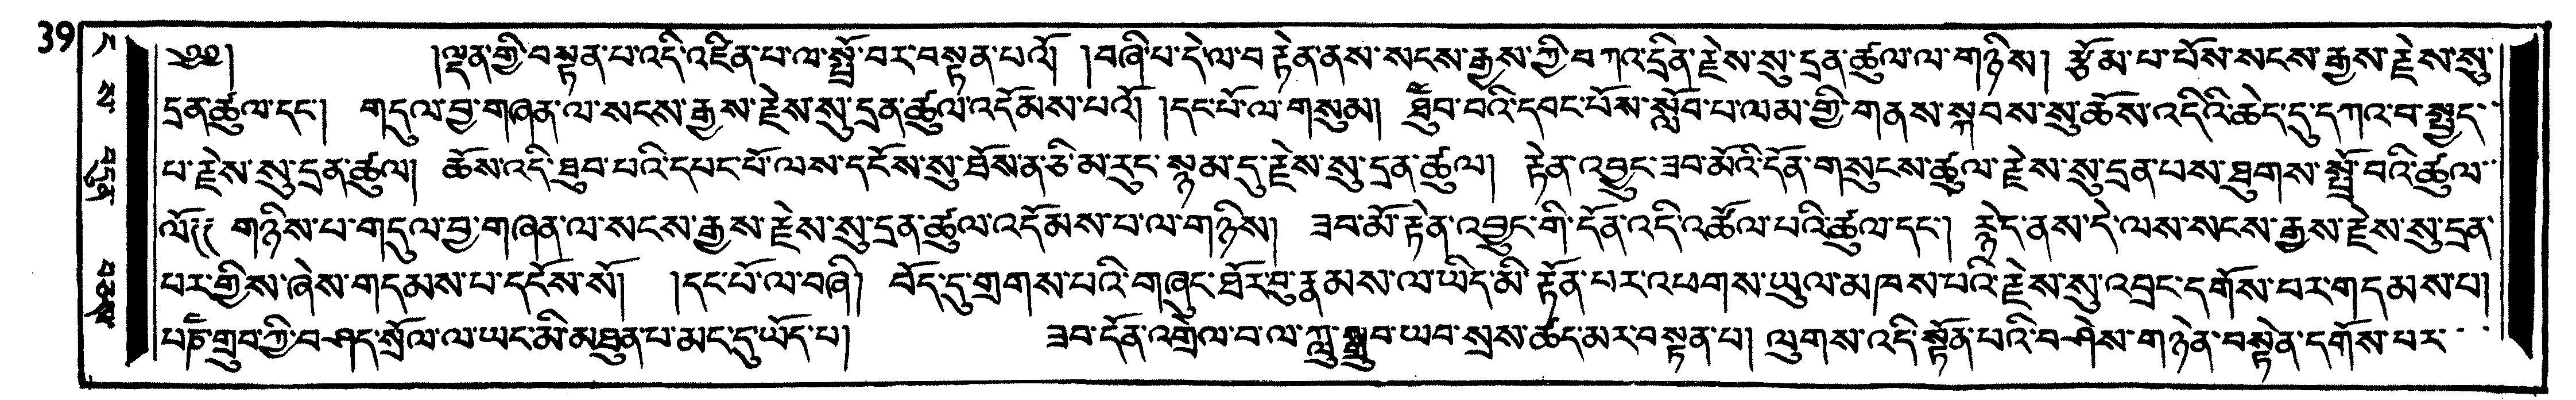༄༅། །ལྡན་གྱི་བསྟན་པ་འདི་འཛིན་པ་ལ་སྤྲོ་བར་བསྟན་པའོ། །བཞི་པ་དེ་ལ་བརྟེན་ནས་སངས་རྒྱས་ཀྱི་བཀའ་དྲིན་རྗེས་སུ་དྲན་ཚུལ་ལ་གཉིས། རྩོམ་པ་པོས་སངས་རྒྱས་རྗེས་སུ་
དྲན་ཚུལ་དང་། གདུལ་བྱ་གཞན་ལ་སངས་རྒྱས་རྗེས་སུ་དྲན་ཚུལ་འདོམས་པའོ། །དང་པོ་ལ་གསུམ། ཐུབ ༤་བའི་དབང་པོས་སློབ་པ་ལམ་གྱི་གནས་སྐབས་སུ་ཆོས་འདིའི་ཆེད་དུ་བཀའ་བ་སྤྱད་
པ་རྗེས་སུ་དྲན་ཚུལ། ཆོས་འདི་ཐུབ་པའི་དཔང་པོ་ལས་དངོས་སུ་ཐོས་ན་ཅི་མ་རུང་སྙམ་དུ་རྗེས་སུ་དྲན་ཚུལ། རྟེན་འབྱུང་ཟབ་མོའི་དོན་གསུངས་ཚུལ་རྗེས་སུ་དྲན་པས་ཐུགས་སྤྲོ་བའི་ཚུལ་
ལོ༑༑ གཉིས་པ་གདུལ་བྱ་གཞན་ལ་སངས་རྒྱས་རྗེས་སུ་དྲན་ཚུལ་འདོམས་པ་ལ་གཉིས། ཟབ་མོ་རྟེན་འབྱུང་གི་དོན་འདི་འཚོལ་པའི་ཚུལ་དང་། རྙེད་ནས་དེ་ལས་སངས་རྒྱས་རྗེས་སུ་དྲན་
པར་གྱིས་ཞེས་གདམས་པ་དངོས་སོ། །དང་པོ་ལ་བཞི། བོད་དུ་གྲགས་པའི་གཞུང་ཐོར་བུ་རྣམས་ལ་ཡིད་མི་རྟོན་པར་འཕགས་ཡུལ་མཁས་པའི་རྗེས་སུ་འབྲང་དགོས་པར་གདམས་པ།
པཎ ༤་གྲུབ་ཀྱི་བཤད་སྲོལ་ལ་ཡང་མི་མཐུན་པ་མང་དུ་ཡོད་པ། ཟབ་དོན་འགྲེལ་བ་ལ་ཀླུ་སྒྲུབ་ཡབ་སྲས་ཚད་མར་བསྟན་པ། ལུགས་འདི་སྟོན་པའི་བཤེས་གཉེན་བསྟེན་དགོས་པར་